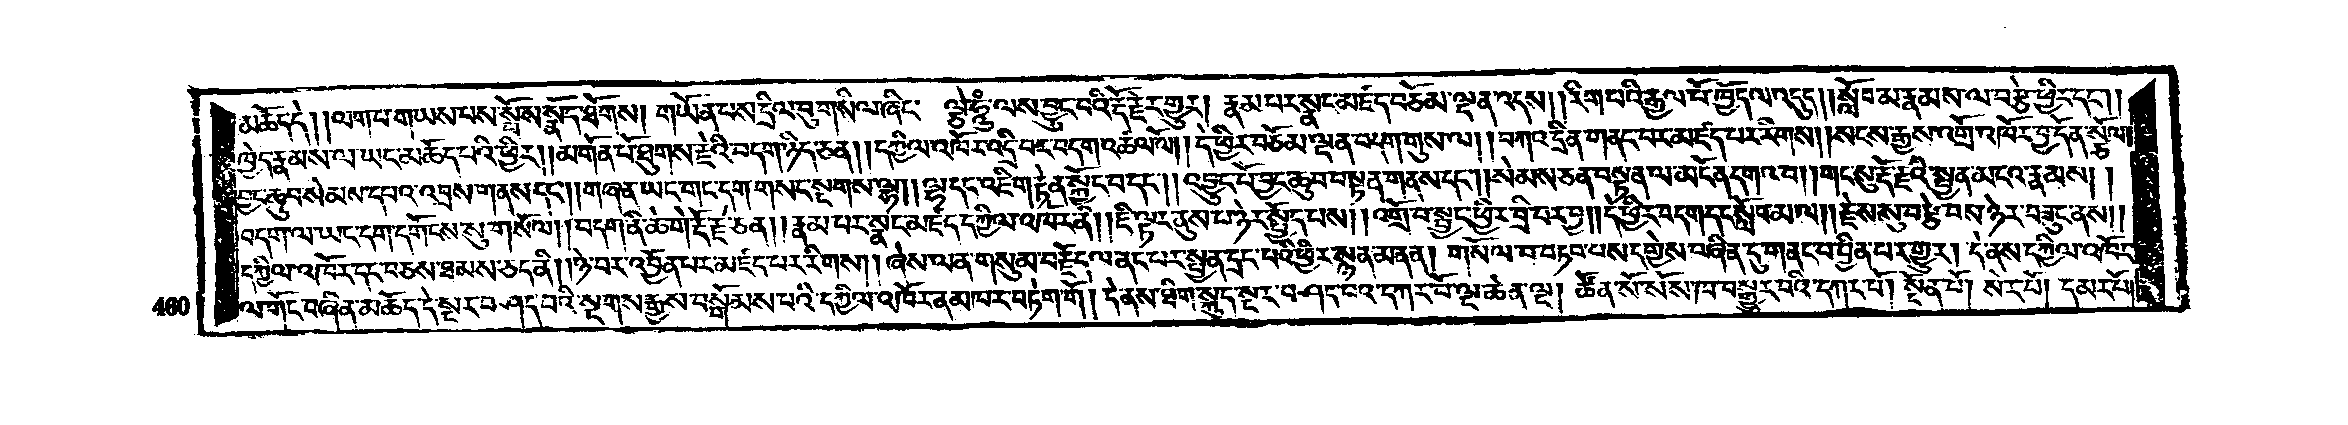མཆོད་དེ། །ལག་པ་གཡས་པས་སྤོས་སྣོད་ཐོགས། གཡོན་པས་དྲིལ་བུ་གསིལ་ཞིང་ལྕེ་ཧཱུཾ་ལས་བྱུང་བའི་རྡོ་རྗེར་གྱུར། རྣམ་པར་སྣང་མཛད་བཅོམ་ལྡན་འདས། །རིག་པའི་རྒྱལ་པོ་ཁྱོད་ལ་འདུད། །སློབ་མ་རྣམས་ལ་བརྩེ་ཕྱིར་དང།།
ཁྱེད་རྣམས་ལ་ཡང་མཆོད་པའི་ཕྱིར། །མགོན་པོ་ཐུགས་རྗེའི་བདག་ཉིད་ཅན། །དཀྱིལ་འཁོར་འདྲི་བར་བདག་འཚལ་ལོ། །དེ་ཕྱིར་བཅོམ་ལྡན་བདག་གུས་ལ། །བཀའ་དྲིན་གནང་བར་མཛད་པར་རིགས། །སངས་རྒྱས་འགྲོ་འཁོར་བྱ་དོན་སྩོལ།།
བྱང་ཆུབ་སེམས་དཔའ་འབྲས་གནས་དང་། །གཞན་ཡང་གང་དག་གསང་སྔགས་ལྷ། །ལྷ་དང་འཇིག་རྟེན་སྐྱོང་བ་དང་། །འབྱུང་པོ་བྱང་ཆུབ་བསྟན་གནས་དང་། །སེམས་ཅན་བསྟན་ལ་མངོན་དགའ་བ། །གང་སུ་རྡོ་རྗེའི་སྤྱན་མངའ་རྣམས།།
བདག་ལ་ཡང་དག་དགོངས་སུ་གསོལ། །བདག་ནི་ཆེ་གེ་རྡོ་རྗེ་ཅན། །རྣམ་པར་སྣང་མཛད་དཀྱིལ་འཁོར་ནི། །ཇི་ལྟར་ནུས་པ་ཉྲྦ་དྷརྨཱཿ ཨདྱནྟ་ཨ་ནུ་པྲ་བིཥྚ་སརྦ་དྷརྨྷོཔཔ༻༈ཨཽཨཽཨོ༨ཨོ་ཨཽཨོཔཽཨཽཨོ་